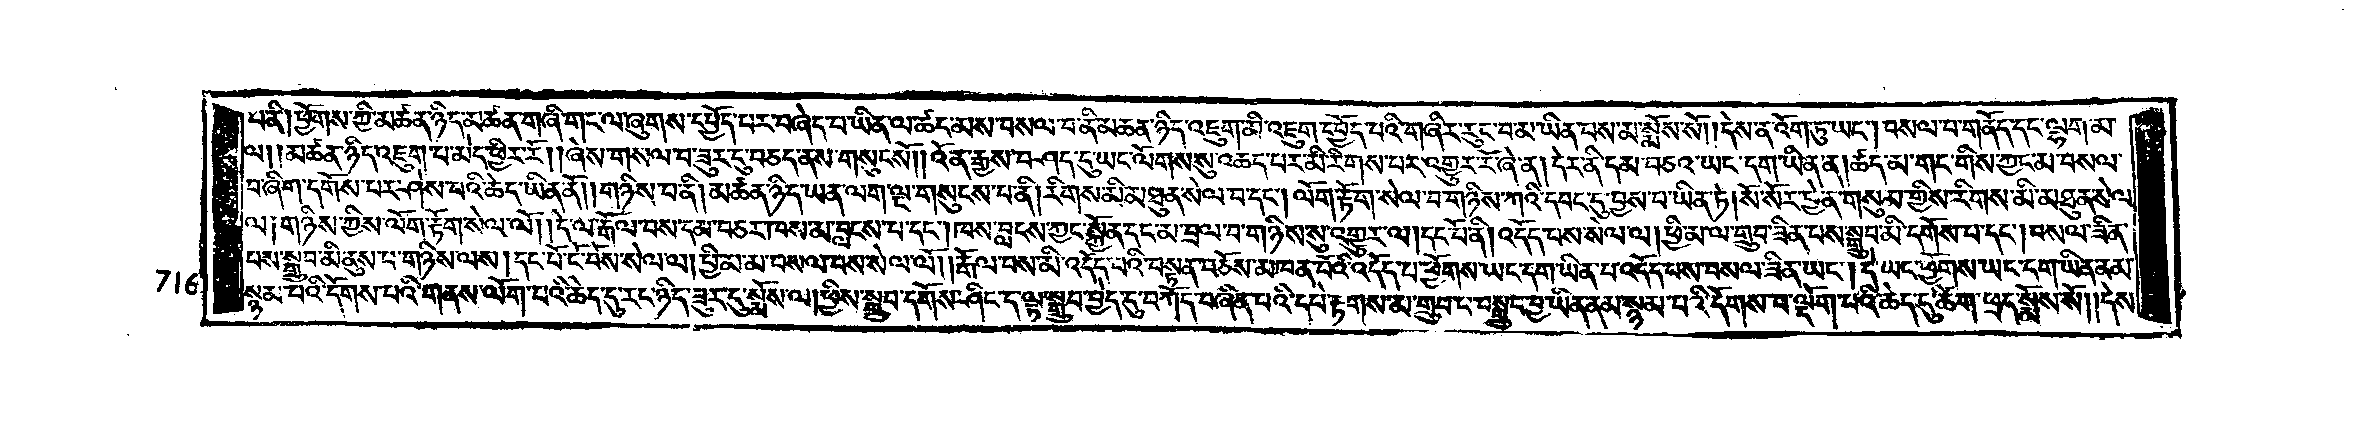པ་ནི། ཕྱོགས་ཀྱི་མཚན་ཉིད་མཚན་གཞི་གང་ལ་ཞུགས་དཔྱོད་པར་བཞེད་པ་ཡིན་ལ་ཚང་མས་བསལ་བ་ནི་མཚན་ཉིད་འཇུག་མི་འཇུག་དཔྱོད་པའི་གཞིར་རུང་བ་མ་ཡིན་པས་མ་སྨོས་སོ། །དེས་ན་འོག་ཏུ་ཡང་། བསལ་བ་གནོད་དང་ལྷག་མ་
ལ། །མཚན་ཉིད་འཇུག་པ་མེད་ཕྱིར་རོ། །ཞེས་གསལ་བ་ཟུར་དུ་བཅད་ནས་གསུངས་སོ། །འོ་ན་རྒྱས་བཤད་དུ་ཡང་ལོགས་སུ་འཚད་པར་མི་རིགས་པར་འགྱུར་རོ་ཞེ་ན། དེར་ནི་དམ་བཅའ་ཡང་དག་ཡིན་ན། ཚད་མ་གང་གིས་ཀྱང་མ་བསལ་
བ་ཞིག་དགོས་པར་ཤེས་པའི་ཆེད་ཡིན་ནོ། །གཉིས་པ་ནི། མཚན་ཉིད་ཡན་ལག་ལྔ་གསུངས་པ་ནི། རིགས་མི་མཐུན་སེལ་བ་དང་། ལོག་རྟོག་སེལ་བ་གཉིས་ཀའི་དབང་དུ་བྱས་པ་ཡིན་ཏེ། སོ་སོར་ཕྱེ་ན་གསུམ་གྱིས་རིགས་མི་མཐུན་སེལ་
ལ། གཉིས་ཀྱིས་ལོག་རྟོག་སེལ་ལོ། །དེ་ལ་རྒོལ་བས་དམ་བཅར་ཁས་མ་བླངས་པ་དང་། ཁས་བླངས་ཀྱང་སྐྱོན་དང་མ་བྲལ་བ་གཉིས་སུ་འགྱུར་ལ། དང་པོ་ནི། འདོད་པས་སེལ་ལ། ཕྱི་མ་ལ་གྲུབ་ཟིན་པས་སྒྲུབ་མི་དགོས་པ་དང་། བསལ་ཟིན་
པས་སྒྲུབ་མི་ནུས་པ་གཉིས་ལས། དང་པོ་ངོ་བོས་སེལ་ལ། ཕྱི་མ་མ་བསལ་བས་སེལ་ལོ། །རྒོལ་བས་མི་འདོད་པའི་བསྟན་བཅོས་མཁན་པོའི་འདོད་པ་ཕྱོགས་ཡང་དག་ཡིན་པ་འདོད་པས་བསལ་ཟིན་ཡང་། དེ་ཡང་ཕྱོགས་ཡང་དག་ཡིན་ནམ་
སྙམ་པའི་དགོས་པའི་གནས་ལོག་པའི་ཆེད་དུ་རང་ཉིད་དུ་ཟུར་དུ་སྨོས་ལ། ཕྱིས་སྒྲུབ་དགོས་ཤིང་ད་ལྟ་སྒྲུབ་བྱེད་དུ་བཀོད་བཞིན་པའི་དཔེ་རྟགས་མ་གྲུབ་པ་བསྒྲུབ་བྱ་ཡིན་ནམ་སྙམ་པའི་དོགས་པ་ལྡོག་པའི་ཆེད་དུ་ཚིག་ཕྲད་སྨོས་སོ། །དེས་